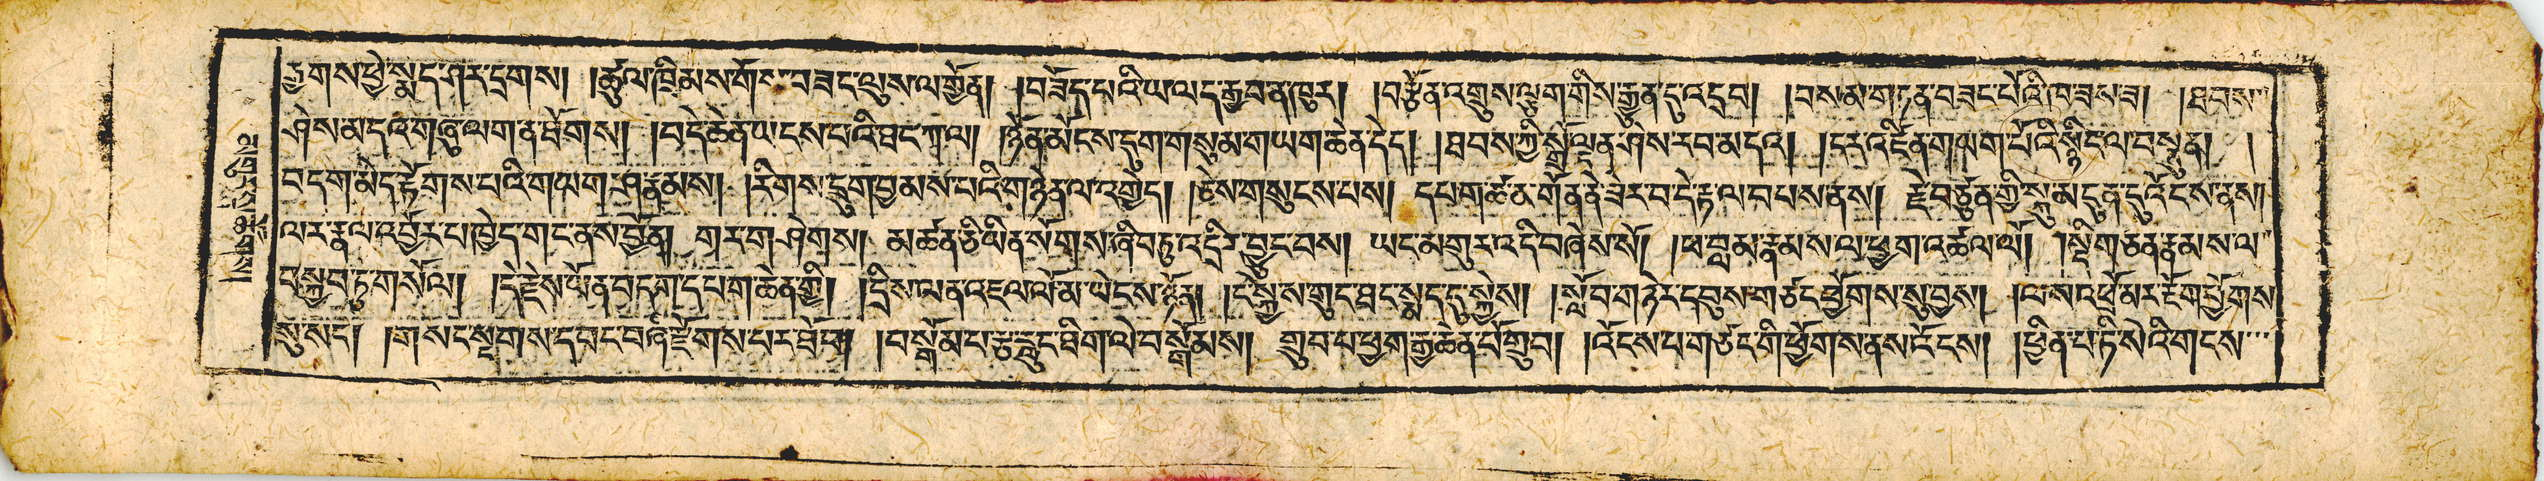རྒྱགས་ཕྱེ་སྨད་ཤར་དྲགས། །ཚུལ་ཁྲིམས་གོས་བཟང་ལུས་ལ་གྱོན། །བཟོད་པའི་ཡ་ལད་རྒྱབ་ན་ཁུར། །བརྩོན་འགྲུས་ལྕག་གིས་རྒྱུན་དུ་འདྲབ། །བསམ་གཏན་བཟང་པོའི་ཁ་ཟས་ཟ། །ཐབས་
ཤེས་མདའ་གཞུ་ལག་ན་ཐོགས། །བདེ་ཆེན་ཡངས་པའི་ཐང་ཀ་ལ། །ཉོན་མོངས་དུག་གསུམ་གཡག་ཆེན་དེད། །ཐབས་ཀྱི་སྒྲོ་ལྡན་ཤེས་རབ་མདའ། །དར་འཛིན་གཡག་པོའི་སྙིང་ལ་བསྣུན། །
བདག་མེད་རྟོགས་པའི་གཡག་ཤ་རྣམས། །རིགས་དྲུག་བྱམས་པའི་གཉེན་ལ་འགྱེད། །ཅེས་གསུངས་པས། དཔག་ཚ་མགོན་ནེ་ཟེར་བ་དེ་རྟ་ལ་བཔས་ནས། རྗེབཙུན་གྱི་སྐུ་མདུན་དུ་འོངས་ནས། 
ལར་རྣལ་འབྱོར་པ་ཁྱེད་གང་ནས་བྱོན། གར་གཤེགས། མཚན་ཅི་ཡིན་སོགས་ཞིབ་ཏུ་འདྲི་བྱུང་བས། ཡང་མགུར་འདི་བཞེས་སོ། །ཕ་བླ་མ་རྣམས་ལ་ཕྱག་འཚལ་ལ། སྡིག་ཅན་རྣམས་ལ་
བསྐྱབ་ཏུ་གསོལ། །དེ་རྗེས་ཡོན་བདག་དཔག་ཆེན་གྱི། །དྲིས་ལན་འཇལ་ལ་མ་ཁེངས་ཉོན། །ང་སྐྱེ་ས་གུང་ཐང་སྨད་དུ་སྐྱེས། །སློབ་གཉེར་དབུས་གཙང་ཕྱོགས་སུ་བྱས། །ལས་འཕྲོ་མར་རྔོག་ཕྱོགས་
སུ་སད། །གསང་སྔགས་དབང་བཞི་རྫོགས་པར་ཐེངས། །བསྒོམ་པ་རྩ་རླུང་ཐིག་ལེ་བསྒོམས། གྲུབ་པ་ཕྱག་རྒྱ་ཆེན་གྲུབ། །འོངས་པ་གཙང་གི་ཕྱོགས་ནས་འོངས། །ཕྱིན་པ་ཏི་སེའི་གངས་